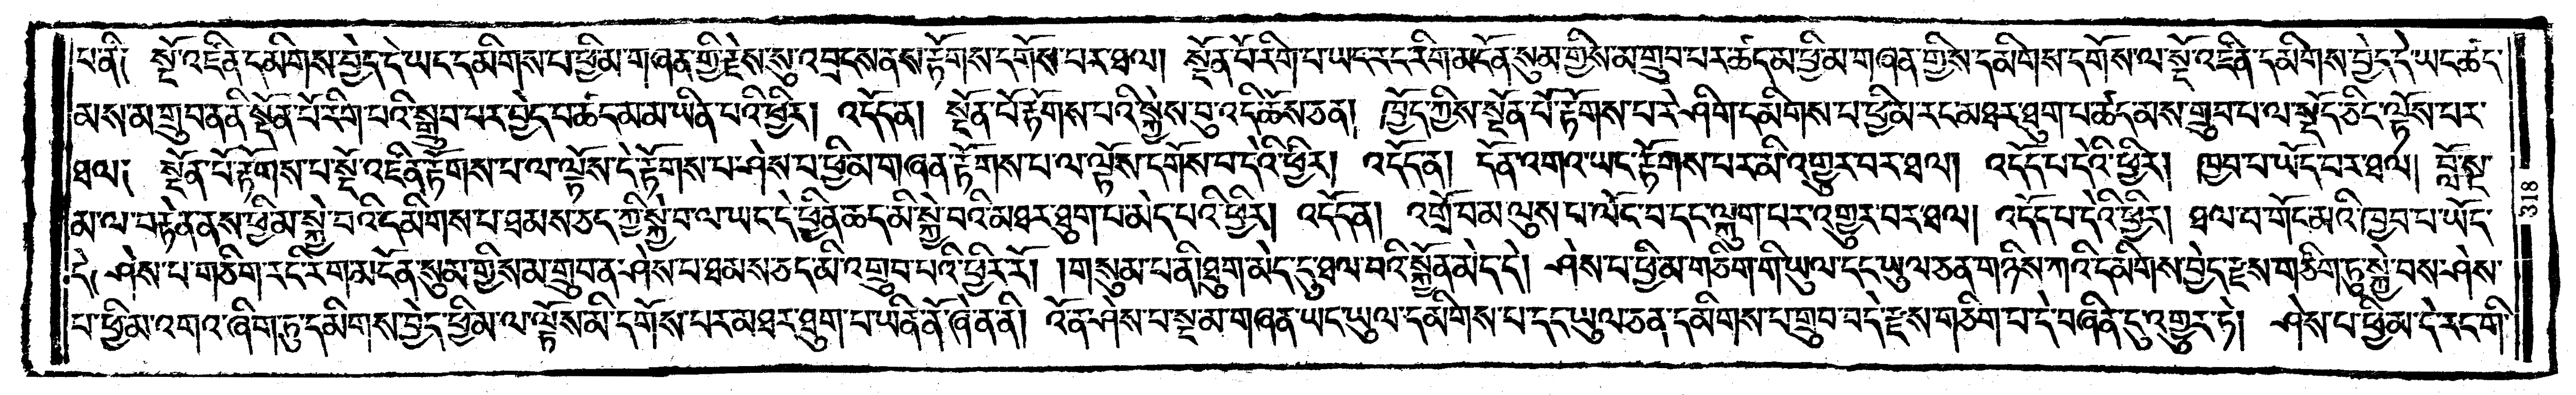པ་ནི། སྔོ་འཛིན་དམིགས་བྱེད་དེ་ཡང་དམིགས་པ་ཕྱི་མ་གཞན་གྱི་རྗེས་སུ་འབྲངས་ནས་རྟོགས་དགོས་པར་ཐལ། སྔོན་པོ་རིག་པ་ཡང་རང་རིག་མངོན་སུམ་གྱིས་མ་གྲུབ་པར་ཚད་མ་ཕྱི་མ་གཞན་གྱིས་དམིགས་དགོས་ལ་སྔོ་འཛིན་དམིགས་བྱེད་དེ་ཡང་ཚད་
མས་མ་གྲུབ་ན་ནི་སྔོན་པོ་རིག་པའི་སྒྲུབ་པར་བྱེད་པ་ཚད་མ་མ་ཡིན་པའི་ཕྱིར། འདོད་ན། སྔོན་པོ་རྟོགས་པའི་སྐྱེས་བུ་འདི་ཆོས་ཅན། ཁྱོད་ཀྱིས་སྔོན་པོ་རྟོགས་པ་རེ་ཤིག་དམིགས་པ་ཕྱི་མ་རང་མཐར་ཐུག་པ་ཚད་མས་གྲུབ་པ་ལ་སྡོད་ཅིང་ལྟོས་པར་
ཐལ། སྔོན་པོ་རྟོགས་པ་སྔོ་འཛིན་རྟོགས་པ་ལ་ལྟོས་དེ་རྟོགས་པ་ཤེས་པ་ཕྱི་མ་གཞན་རྟོགས་པ་ལ་ལྟོས་དགོས་པ་དེའི་ཕྱིར། འདོད་ན། དོན་འགའ་ཡང་རྟོགས་པར་མི་འགྱུར་བར་ཐལ། འདོད་པ་དེའི་ཕྱིར། ཁྱབ་པ་ཡོད་པར་ཐལ། བློ་སྔ་
མ་ལ་བརྟེན་ནས་ཕྱི་མ་སྐྱེ་བའི་དམིགས་པ་ཐམས་ཅད་ཀྱི་སྐྱེ་བ་ལ་ཡང་དེ་ཕྱིན་ཆད་མི་སྐྱེ་བའི་མཐར་ཐུག་པ་མེད་པའི་ཕྱིར། འདོད་ན། འགྲོ་བ་མ་ལུས་པ་ལོང་བ་དང་ལྐུག་པར་འགྱུར་བར་ཐལ། འདོད་པ་དེའི་ཕྱིར། ཐལ་བ་གོང་མའི་ཁྱབ་པ་ཡོད་
དེ། ཤེས་པ་གཅིག་རང་རིག་མངོན་སུམ་གྱིས་མ་གྲུབ་ན་ཤེས་པ་ཐམས་ཅད་མི་འགྲུབ་པའི་ཕྱིར་རོ། །གསུམ་པ་ནི། ཐུག་མེད་དུ་ཐལ་བའི་སྐྱོན་མེད་དེ། ཤེས་པ་ཕྱི་མ་གཅིག་གི་ཡུལ་དང་ཡུལ་ཅན་གཉིས་ཀའི་དམིགས་བྱེད་རྫས་གཅིག་ཏུ་སྐྱེ་བས་ཤེས་
པ་ཕྱི་མ་འགའ་ཞིག་ཏུ་དམིགས་བྱེད་ཕྱི་མ་ལ་ལྟོས་མི་དགོས་པར་མཐར་ཐུག་པ་ཡིན་ནོ་ཞེ་ན་ནི། འོ་ན་ཤེས་པ་སྔ་མ་གཞན་ཡང་ཡུལ་དམིགས་པ་དང་ཡུལ་ཅན་དམིགས་པ་གྲུབ་བདེ་རྫས་གཅིག་པ་དེ་བཞིན་དུ་འགྱུར་ཏེ། ཤེས་པ་ཕྱི་མ་དེ་རང་གི་